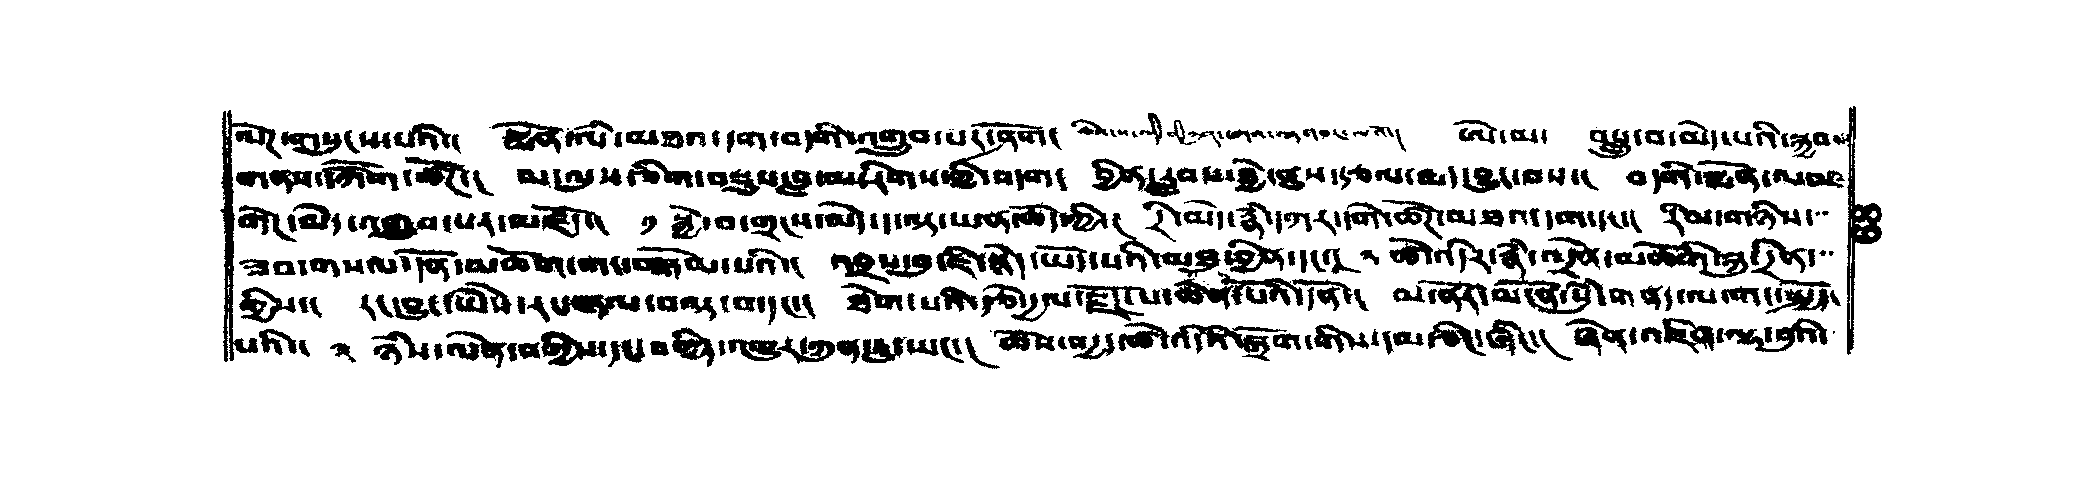ལེགས་གསུངས་པའི། །སྨོན་ལམ་མཐའ་དག་བདག་གི་འགྲུབ་པར་ཤོག ཅེས་པ་འདི་ནི་ཀུན་དགའ་ལྷ་དབང་ལའོ།། ཨེ་མ། བསླུ་བ་མེད་པའི་སྐྱབས་
གནས་དཀོན་མཆོག་ཚོགས། །མ་ལུས་ཅིག་བསྡུས་བླ་མ་རིགས་ཀྱི་བདག །བྱིན་རླབས་ཐུགས་རྗེ་ནུས་རྩལ་རྨད་བྱུང་བས། །བདག་གི་སྨོན་ལམ་
གེགས་མེད་འགྲུབ་པར་མཛོད། །སྐྱེ་བ་གྲངས་མེད་ད་ལྟ་ཡན་ཆོད་ཀྱི། །དྲི་མེད་རྣམ་དཀར་དགེ་ཚོག་མཐའ་དག་དང་། །རིམ་གཉིས་
ཟབ་གསལ་དོན་མཆོག་གང་བསྒོམ་པའི། །འབྲས་བུ་ཇི་སྙེད་ཡོད་པའི་མཐུ་བྱིན་དང་། །ཚེ་འདིར་རྣམ་འདྲེན་མཆོག་གི་སྐུ་དྲིན་
གྱིས། །རང་བྱུང་ཡེ་ཤེས་རང་ཞལ་བལྟ་བ་དང་། །ཐེག་པའི་རྩེ་རྒྱལ་རྫོགས་པ་ཆེན་པོའི་དོན། །མ་ནོར་མངོན་སུམ་གནས་ལ་གང་སྤྱོད་
པའི། །ཉམས་ལེན་བགྱིས་དང་བགྱིད་འགྱུར་ཀུན་ཏུ་ཡང་། །ཆོས་བརྒྱད་ཚེ་འདིའི་སྒྲོག་གིས་མ་བཅིངས་ཤིང་། །ཞེན་འཛིན་ལྷ་བུའི་